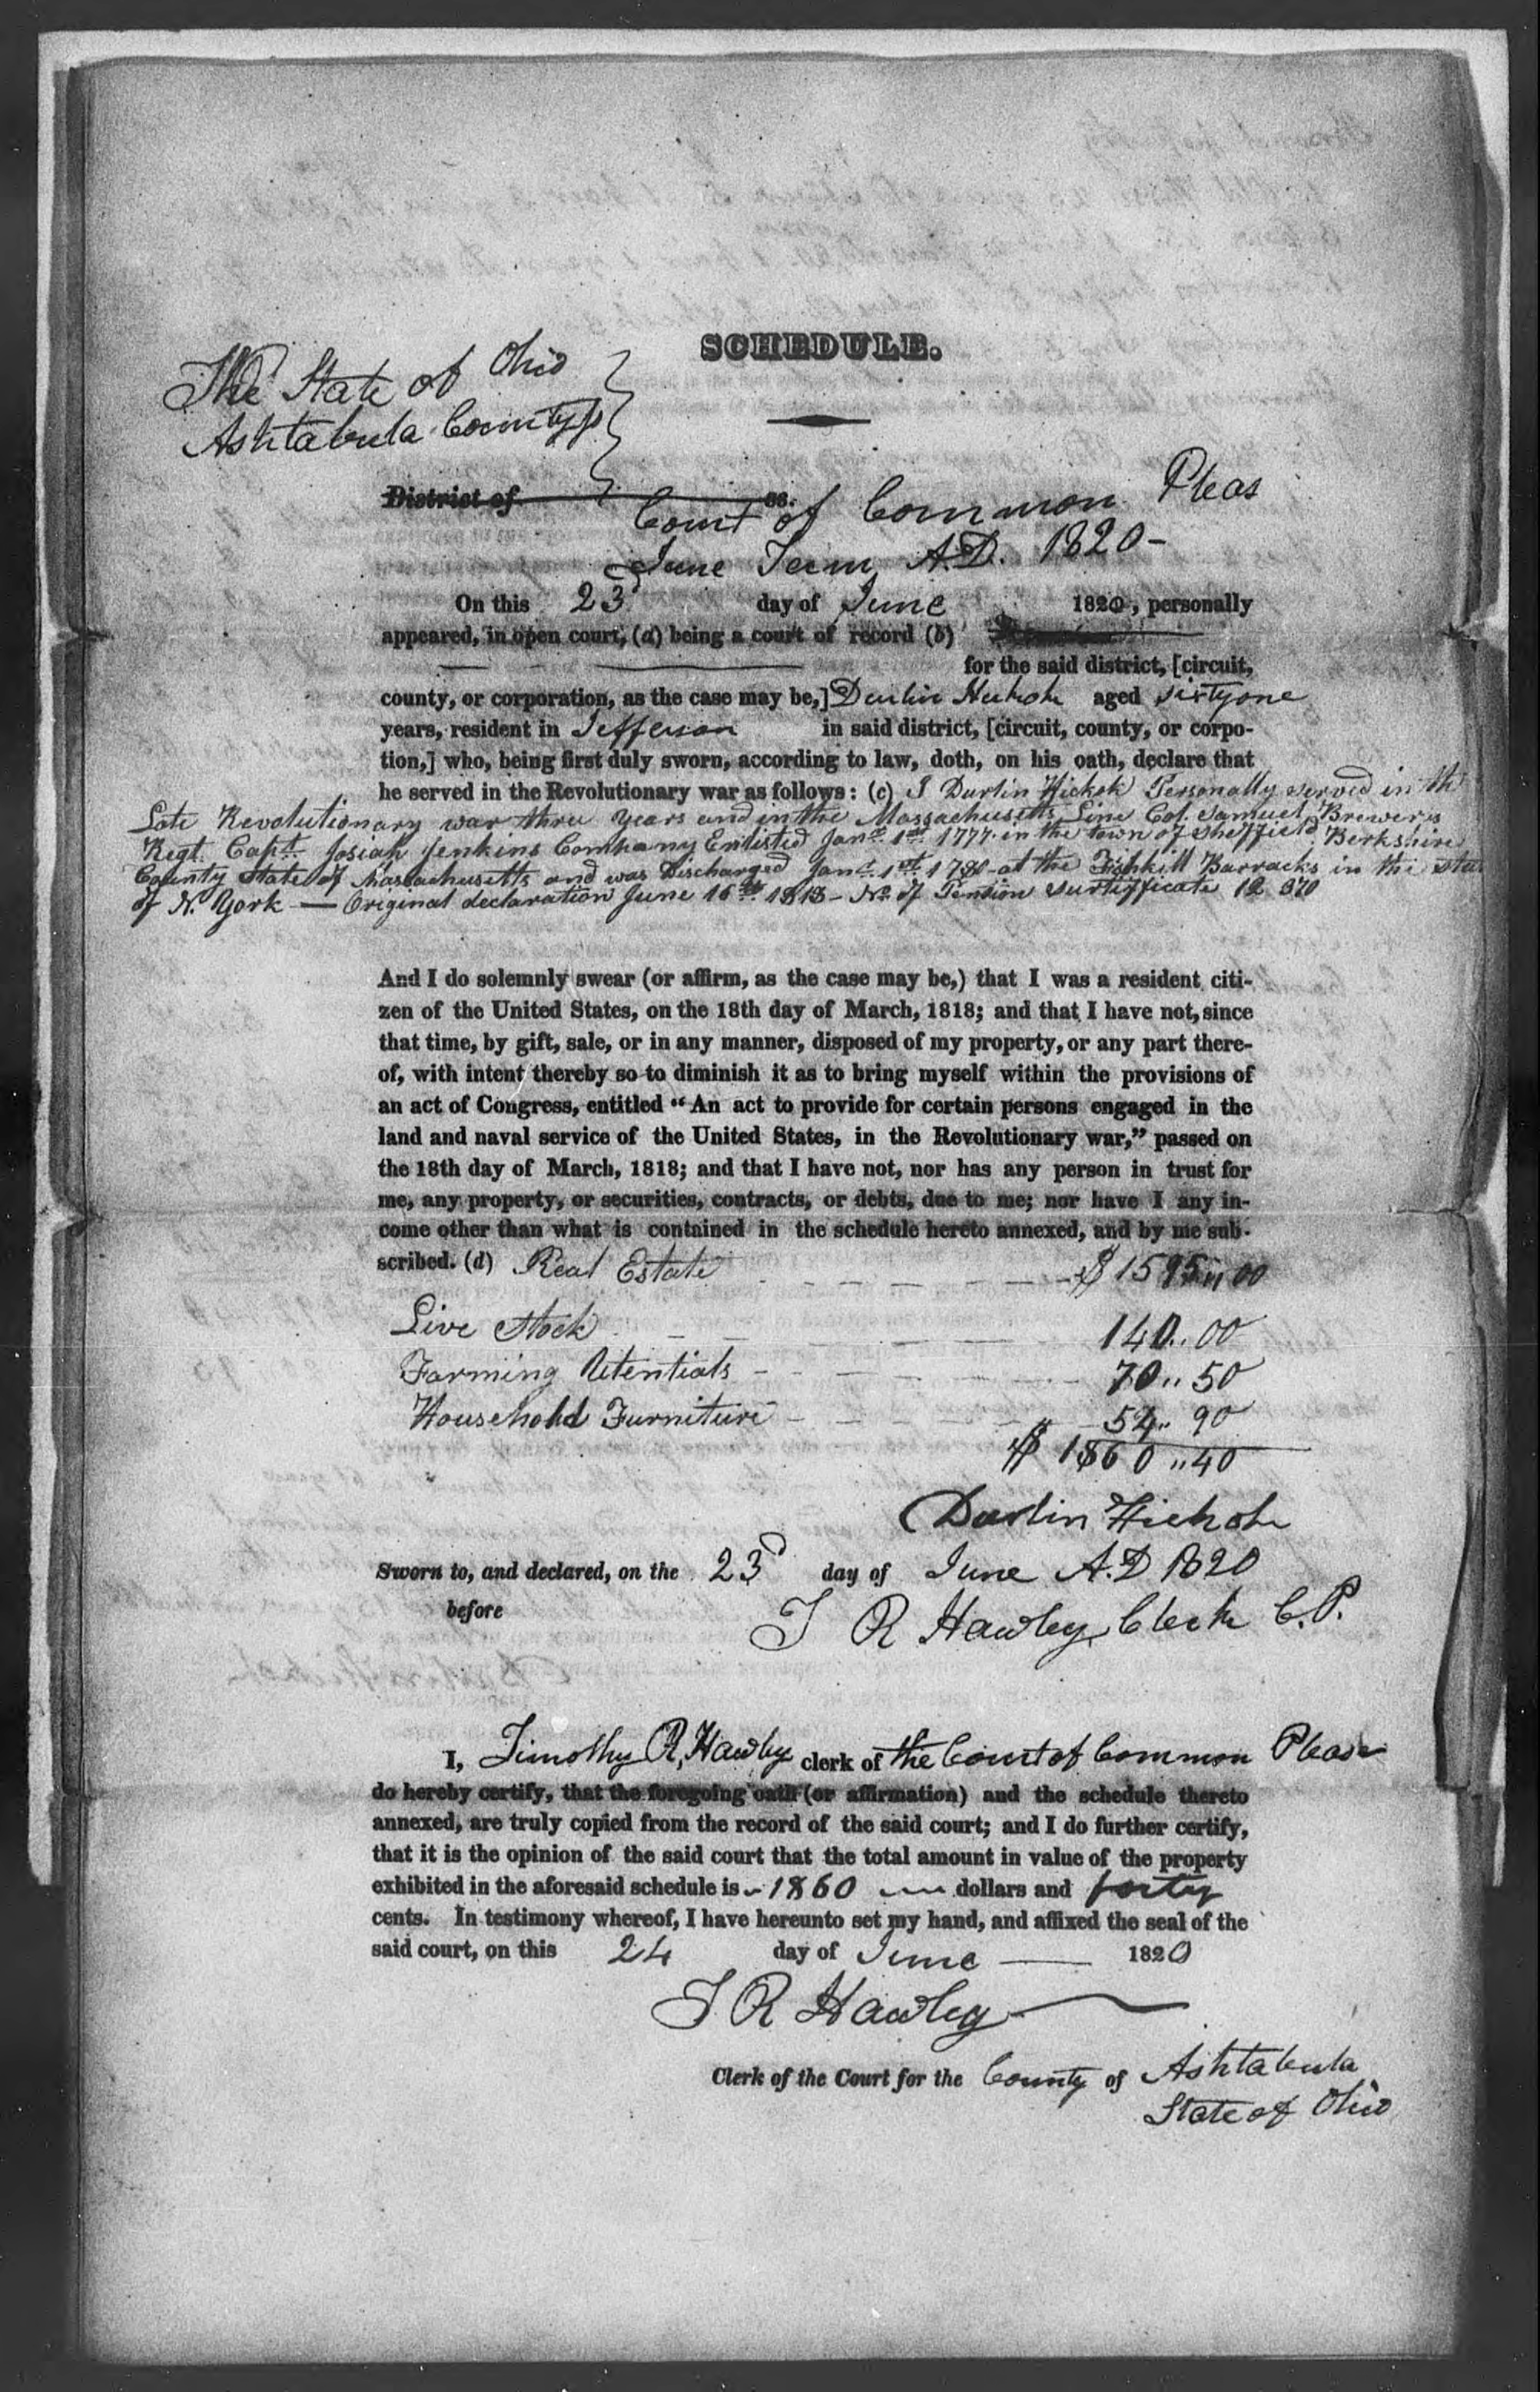The State of Ohio Ashtabula County Court of {ineligible} June }ineligible} A.D. 1820 - On this 23 day of June 1820, personally appeared, in open court, (a) being a court of record (b) for the said district, {circuit, county, or corporation, as the case may be,} {ineligible} aged sixty one years, resident in Jefferson in said district, {circuit, county, or corporation,} who, being first duly sworn, according to law, doth, on his oath, declare that he served in the Revolutionary war as follows: (c) J Durlin Hickok) Personally served in the {ineligible}Revolutionary war thou years and in the Massachusetts {ineligible} Col. Samuel Brewers Regt. Capt. Josiah Jenkins Combrany Enlisted January 1st 1777 in the town of Sheffield Berkshire County State of Massachusetts and was discharged Jan  {ineligible} 1780 at the Fishkill Barracks in the state of N. York - original declaration June 16th 1818 {ineligible}  

And I do solemnly sear (or affirm, as the case may be, that I was a resident citizen of the United States, on the 18th day of March, 1818; and that I have not, since that time, by gift, sale, or in any manner, disposed of my property, or any part thereof, with intent thereby so to diminish it as to bring myself within the provisions of an act of Congress, entitled "An act to provide for certain person engaged in the land and naval service of the United States, in the Revolutionary war," passed on the 18th day March, 1818; and that I have not, nor has any person in trust for me, any property, or securities, contracts, or debt, due to me, nor have I any income other than what is contained in the schedule hereto annexed, and by me subscribed. (d) Real Estate $1595.00 
Live Stock $140.00
Farming {ineligible}  $70.50
Household Furniture. $54.90
$1860.40
Darlene Hickok 
Sworn to, and declared, on the 23 day of June A.D 1820 T R. Hawley Cleck G.P.
I, Timothy R. Hawley clerk of the Court of {ineligible} do herby certify, that the foregoing oath (or affirmation) and the schedule annexed, are truly copied from the record of the said court; and I do further certify, that it is the opinion of the said court that the total amount in value of the property exhibited in the aforesaid schedule is 1860 dollars and forty cents. In testimony whereof, I have hereunto set my hand, and affixed the seal of the said court, on this 23 day of June 1820 T R Hawley Clerk of the Court for the County of Ashtabula State of Ohio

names: Durlin Hickok, T R Hawley, Live Stock, Durlin Hickok, Darlin Hickok, Timothy R Hawley, T R Hawley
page: 5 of 45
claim: widow's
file: W. 4988, Durlin Hickok, Mass.